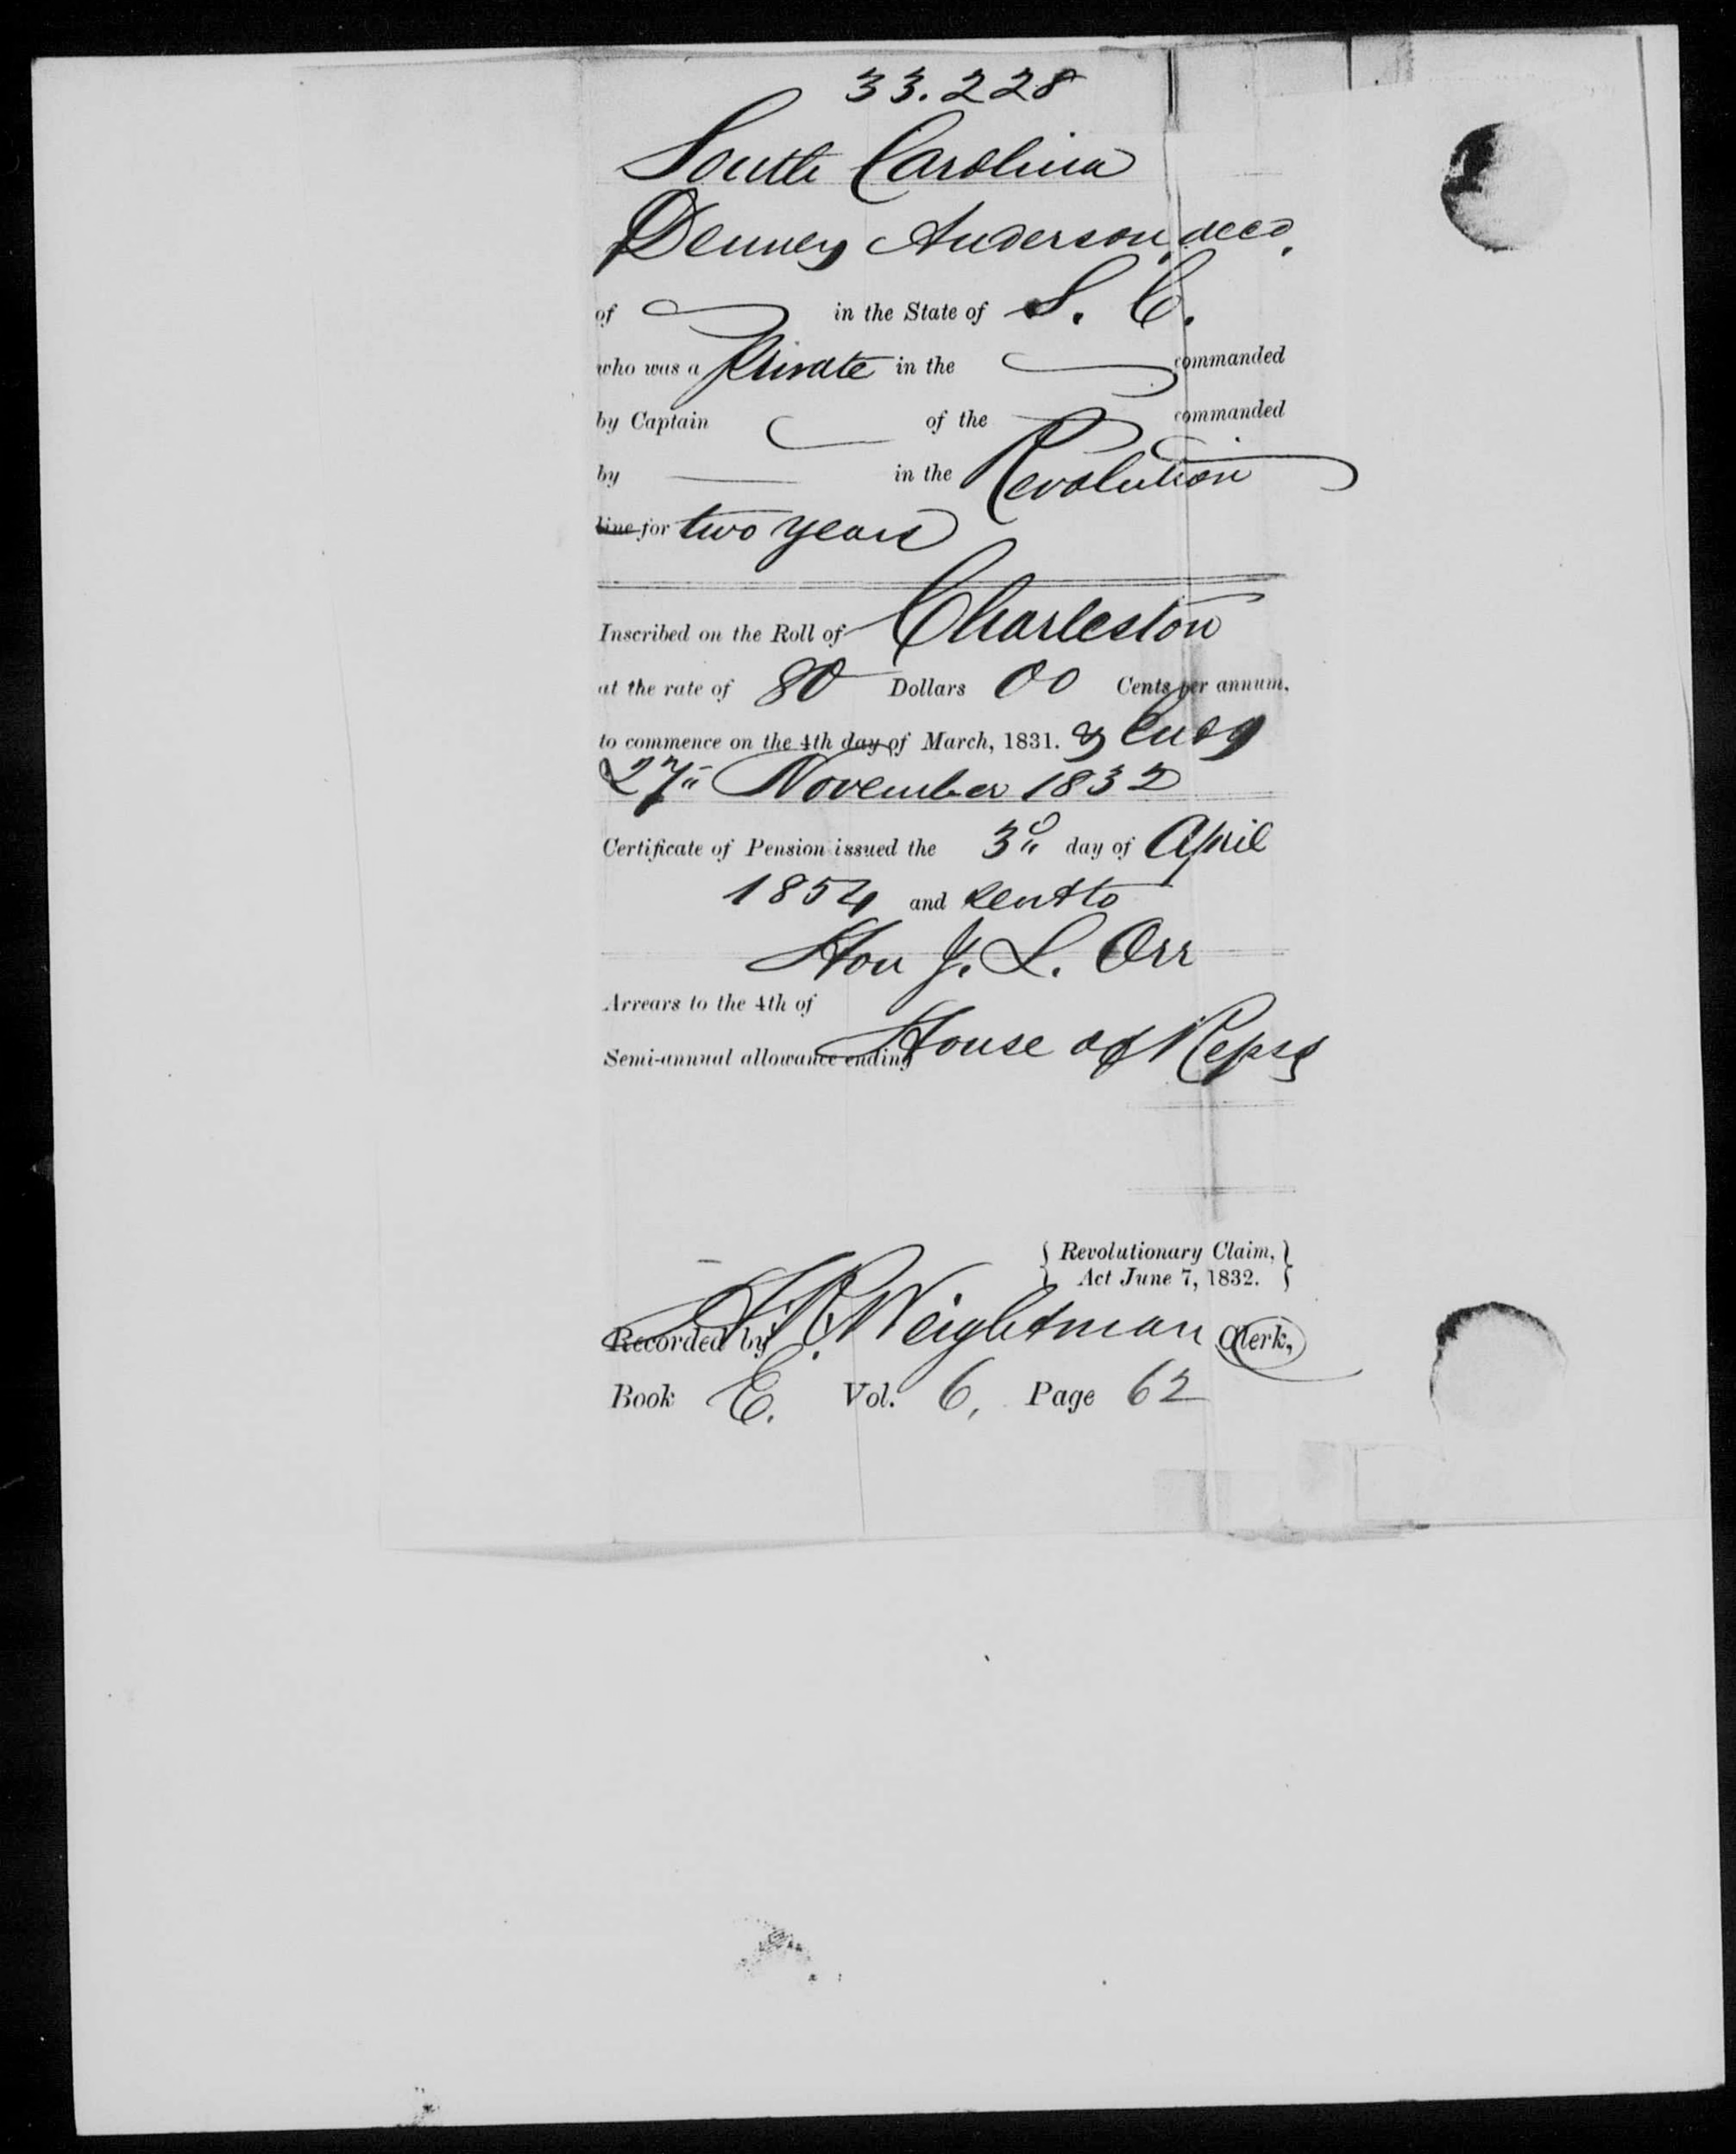33.228
South Carolina 
---
Denney Anderson decd. of - in the State of S.C. who was a private in the - commanded by Captain - of the - commanded by - in the Revolution for two years
---
Inscribed on the Roll of Charleston at the Rate of 80 Dollars 00 Cents per annum, to commence on the 4th day of March, 1831. & endg 27th November 1832
---
Certificate of Pension issued the 3rd day of April 1854 and sent to Hon J. L. Orr House of Reps.
---
Arrears to the 4th of
Semi-annual allowance ending
---
{Revolutionary Claim, Act June 7, 1832.}

Recorded by H.R. Weightman Clerk,
Book. E. Vol. 6, Page 62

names: J L Orr, Denney Anderson, H R Weightman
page: 2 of 51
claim: widow's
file: W. 9700, Denney Anderson, S.C.